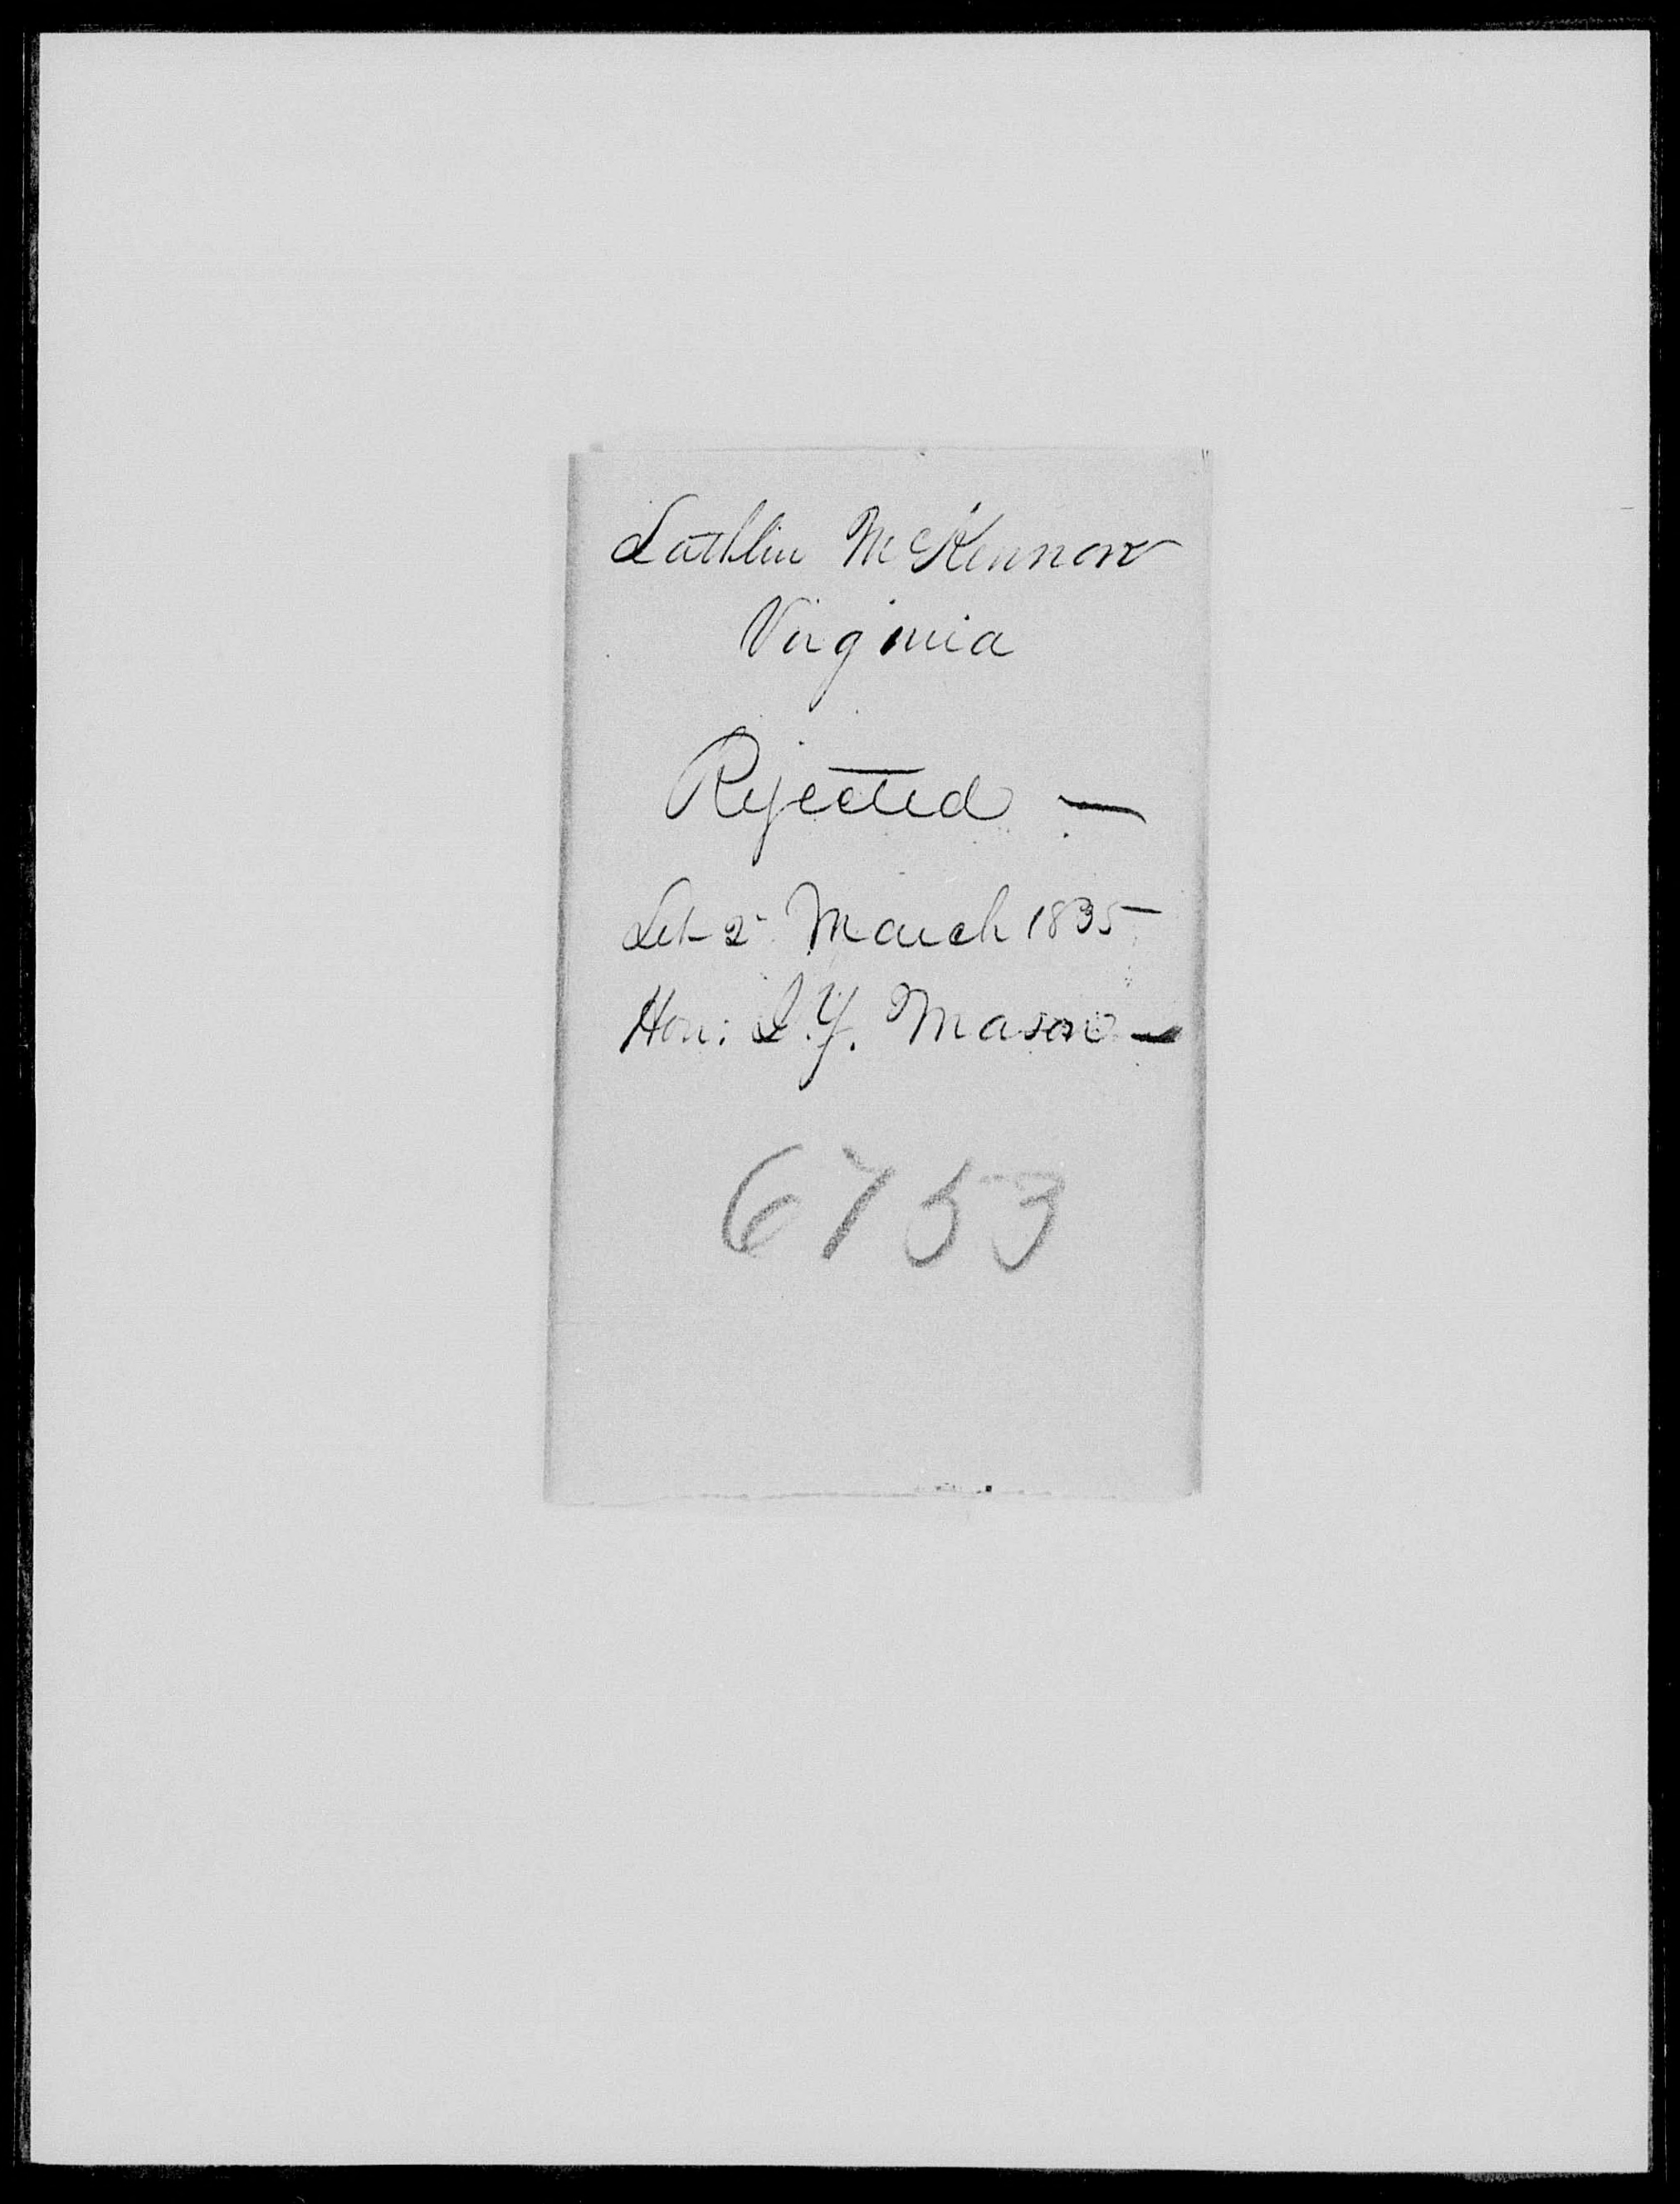Lathlin McKinnon
Virginia

Rejected

Letter 2 March 1835
Hon I Y Mason

6753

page: 7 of 13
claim: rejected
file: R. 6753, for Lathlin Mc Kinnon, Pennsylvania